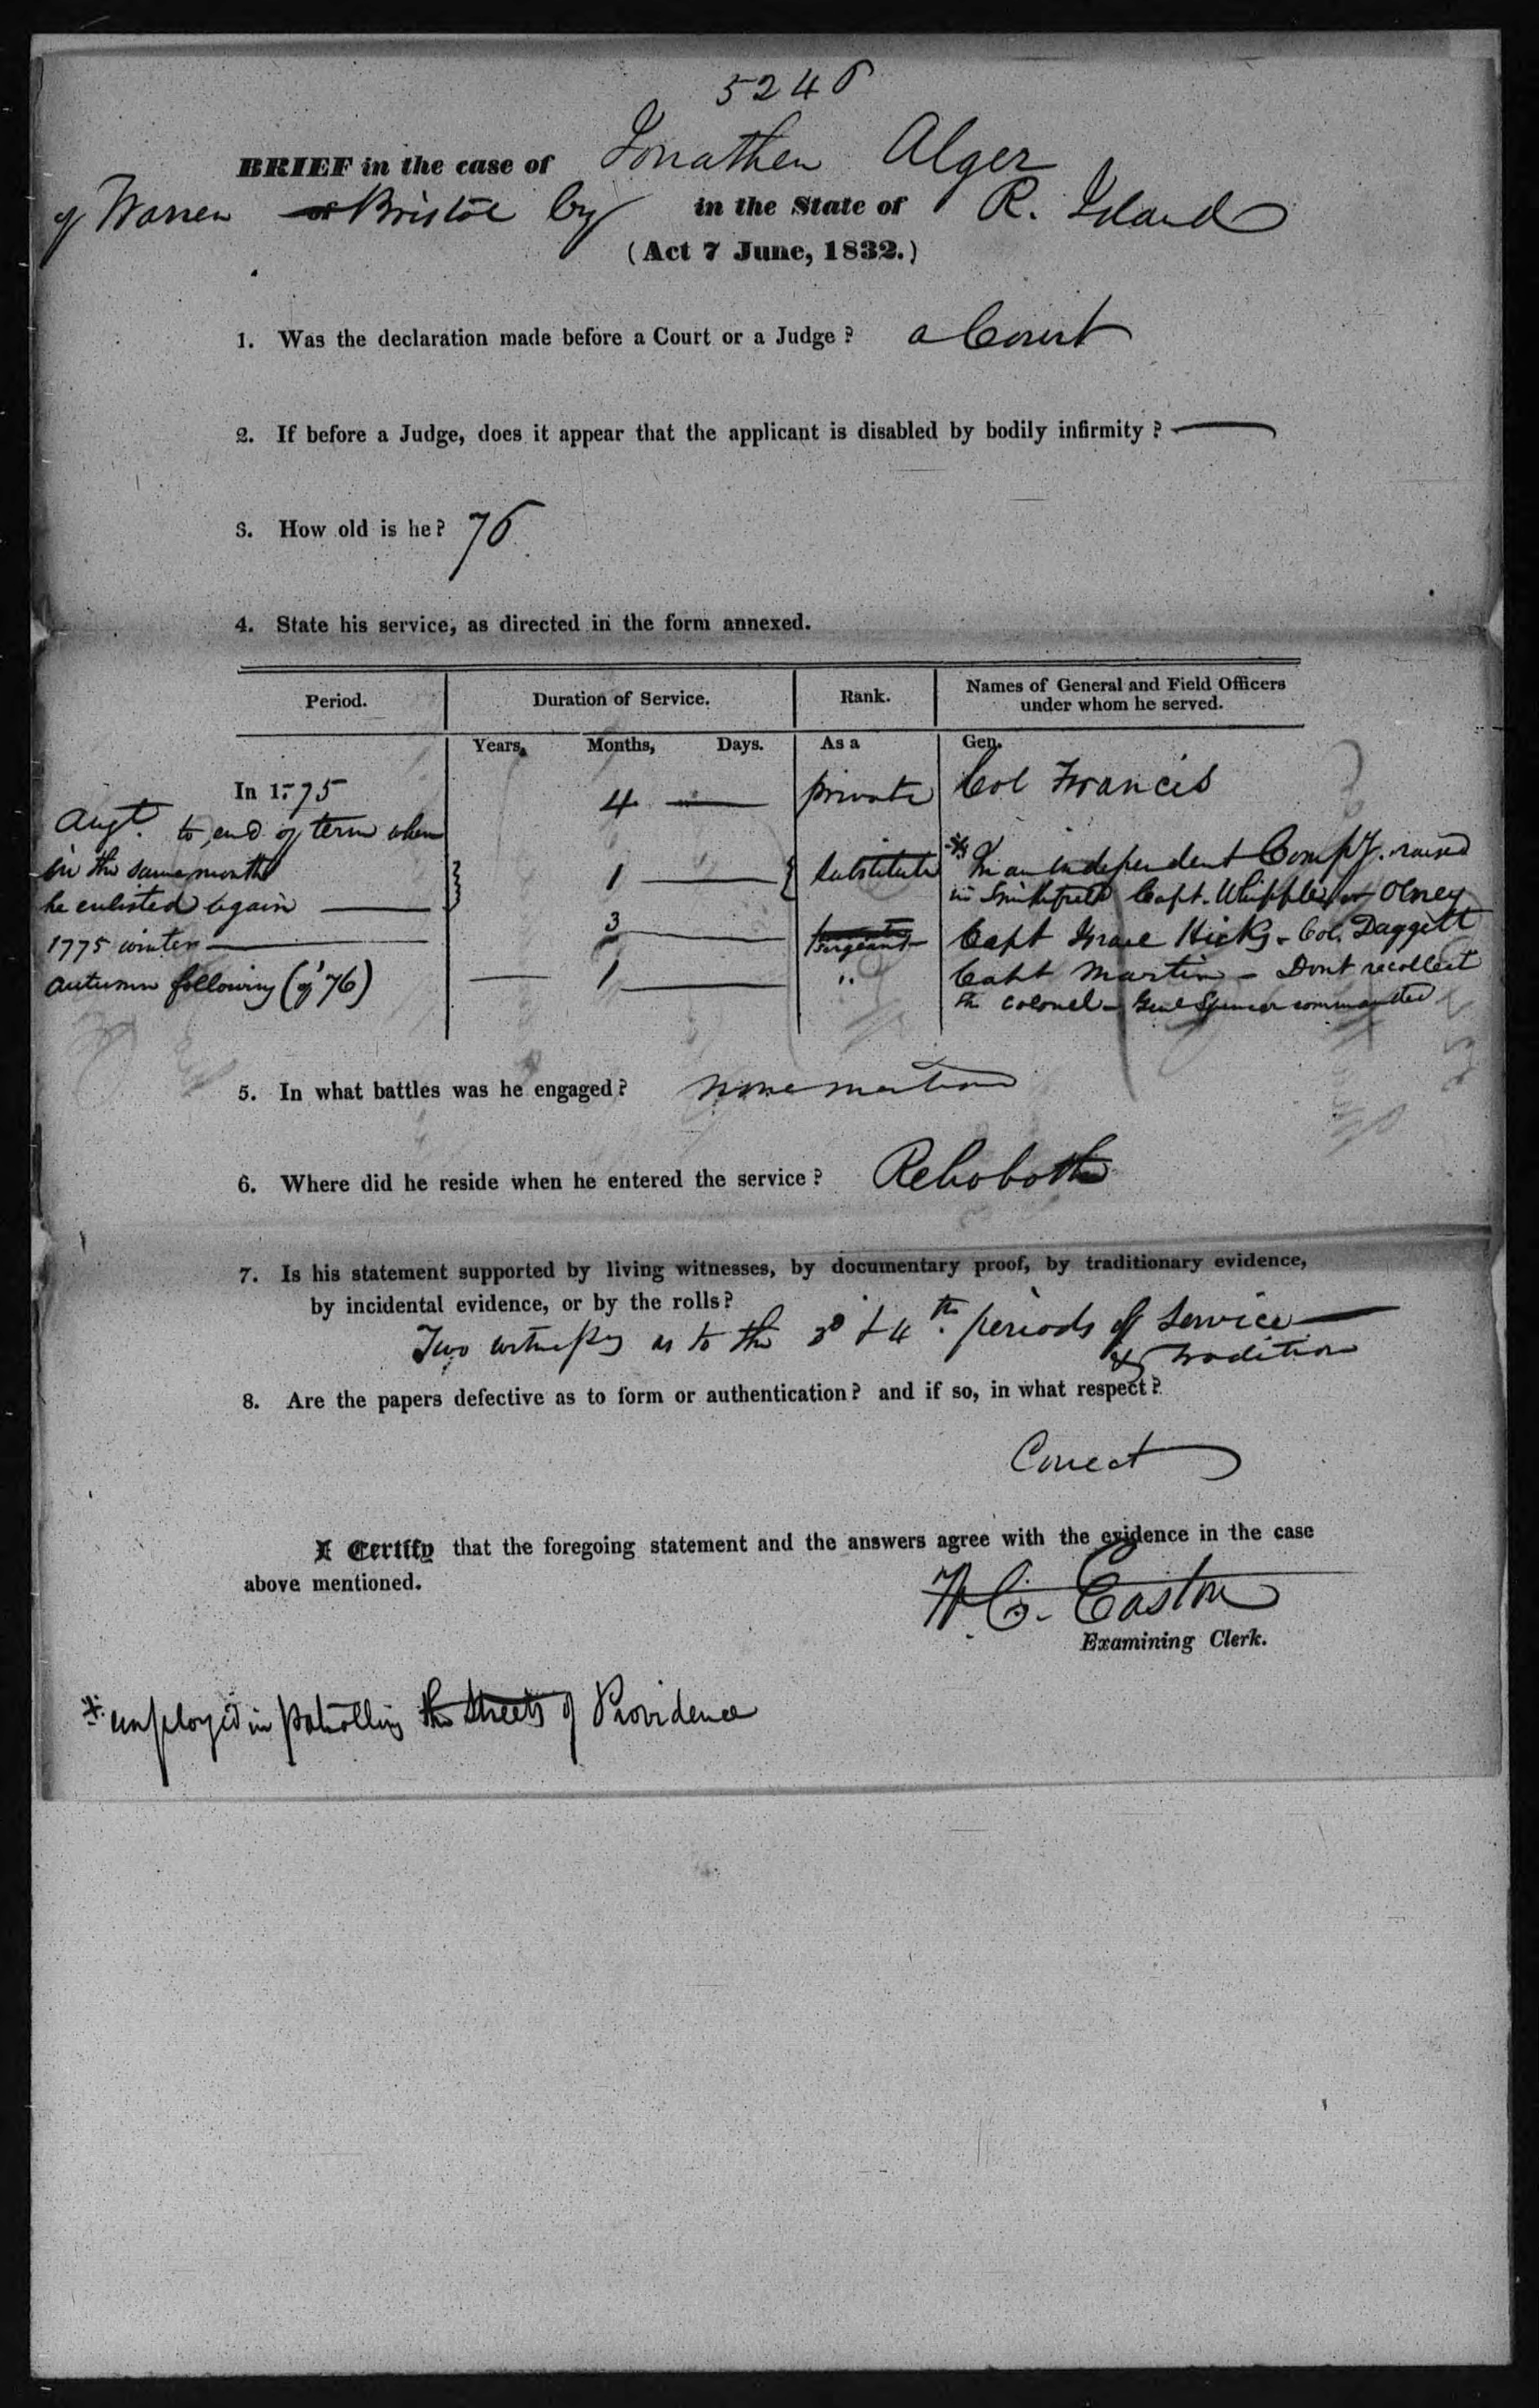5246
BRIEF in the case of Jonathen Alger of Warren Bristol Cy in the State of R. Island
(Act 7 June, 1832.)
1. Was the declaration made before a Court or a Judge? a Court
2. If before a Judge, does it appear that the applicant is disabled by bodily injury? -
3. How old is he? 76
4. State his service, as directed in the form annexed.
[Table follows]
[Columns in Table] / Period. / Duration of Service. / Rank. / Names of General and Field Officers under whom he served. / 
[Line 1] / In 1775  -  / 4 [months] / private / Col Francis / 
[Line 2] / Augt. to, and of term when in the same month he enlisted again / 1 [month] / Substitute /*In independent Company served in Smithfield Capt. Whipple & Olney /
[Line 3] / 1775 winter / 3 [months] / Sergeant / Capt. Israel Hicks & Col Daggett / 
[Line 4] / Autumn following ( eg '76 / 1 [month] / [Sergeant] / Capt Martin - Don't recollect the Colonel Gen'l Spencer commanded 
[End of Table]
5. In what battle was he engaged? none mentioned
6. Where did he reside when he entered the service? Rehoboth
7. Is his statement supported by living witnesses, by documentary proof, by traditionary evidence, by incidental evidence, or by the rolls? Two witnesses as to the 3rd & 4th periods of service - & tradition
8. Are the papers defective as to form or authentication? and if so, in what respect? Correct
I Certify that the foregoing statement and the answers agree with the evidence in the case above mentioned.
[signature] W. C. Easton
Examining Clerk.
* employed in patrolling the streets of Providence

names: Whipple Olney, Jonathen Alger, Francis, , Martin, Easton, Israel Hicks, Daggett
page: 10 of 16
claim: survivor's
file: S. 21040, Jonathan Alger, Mass. R. I.